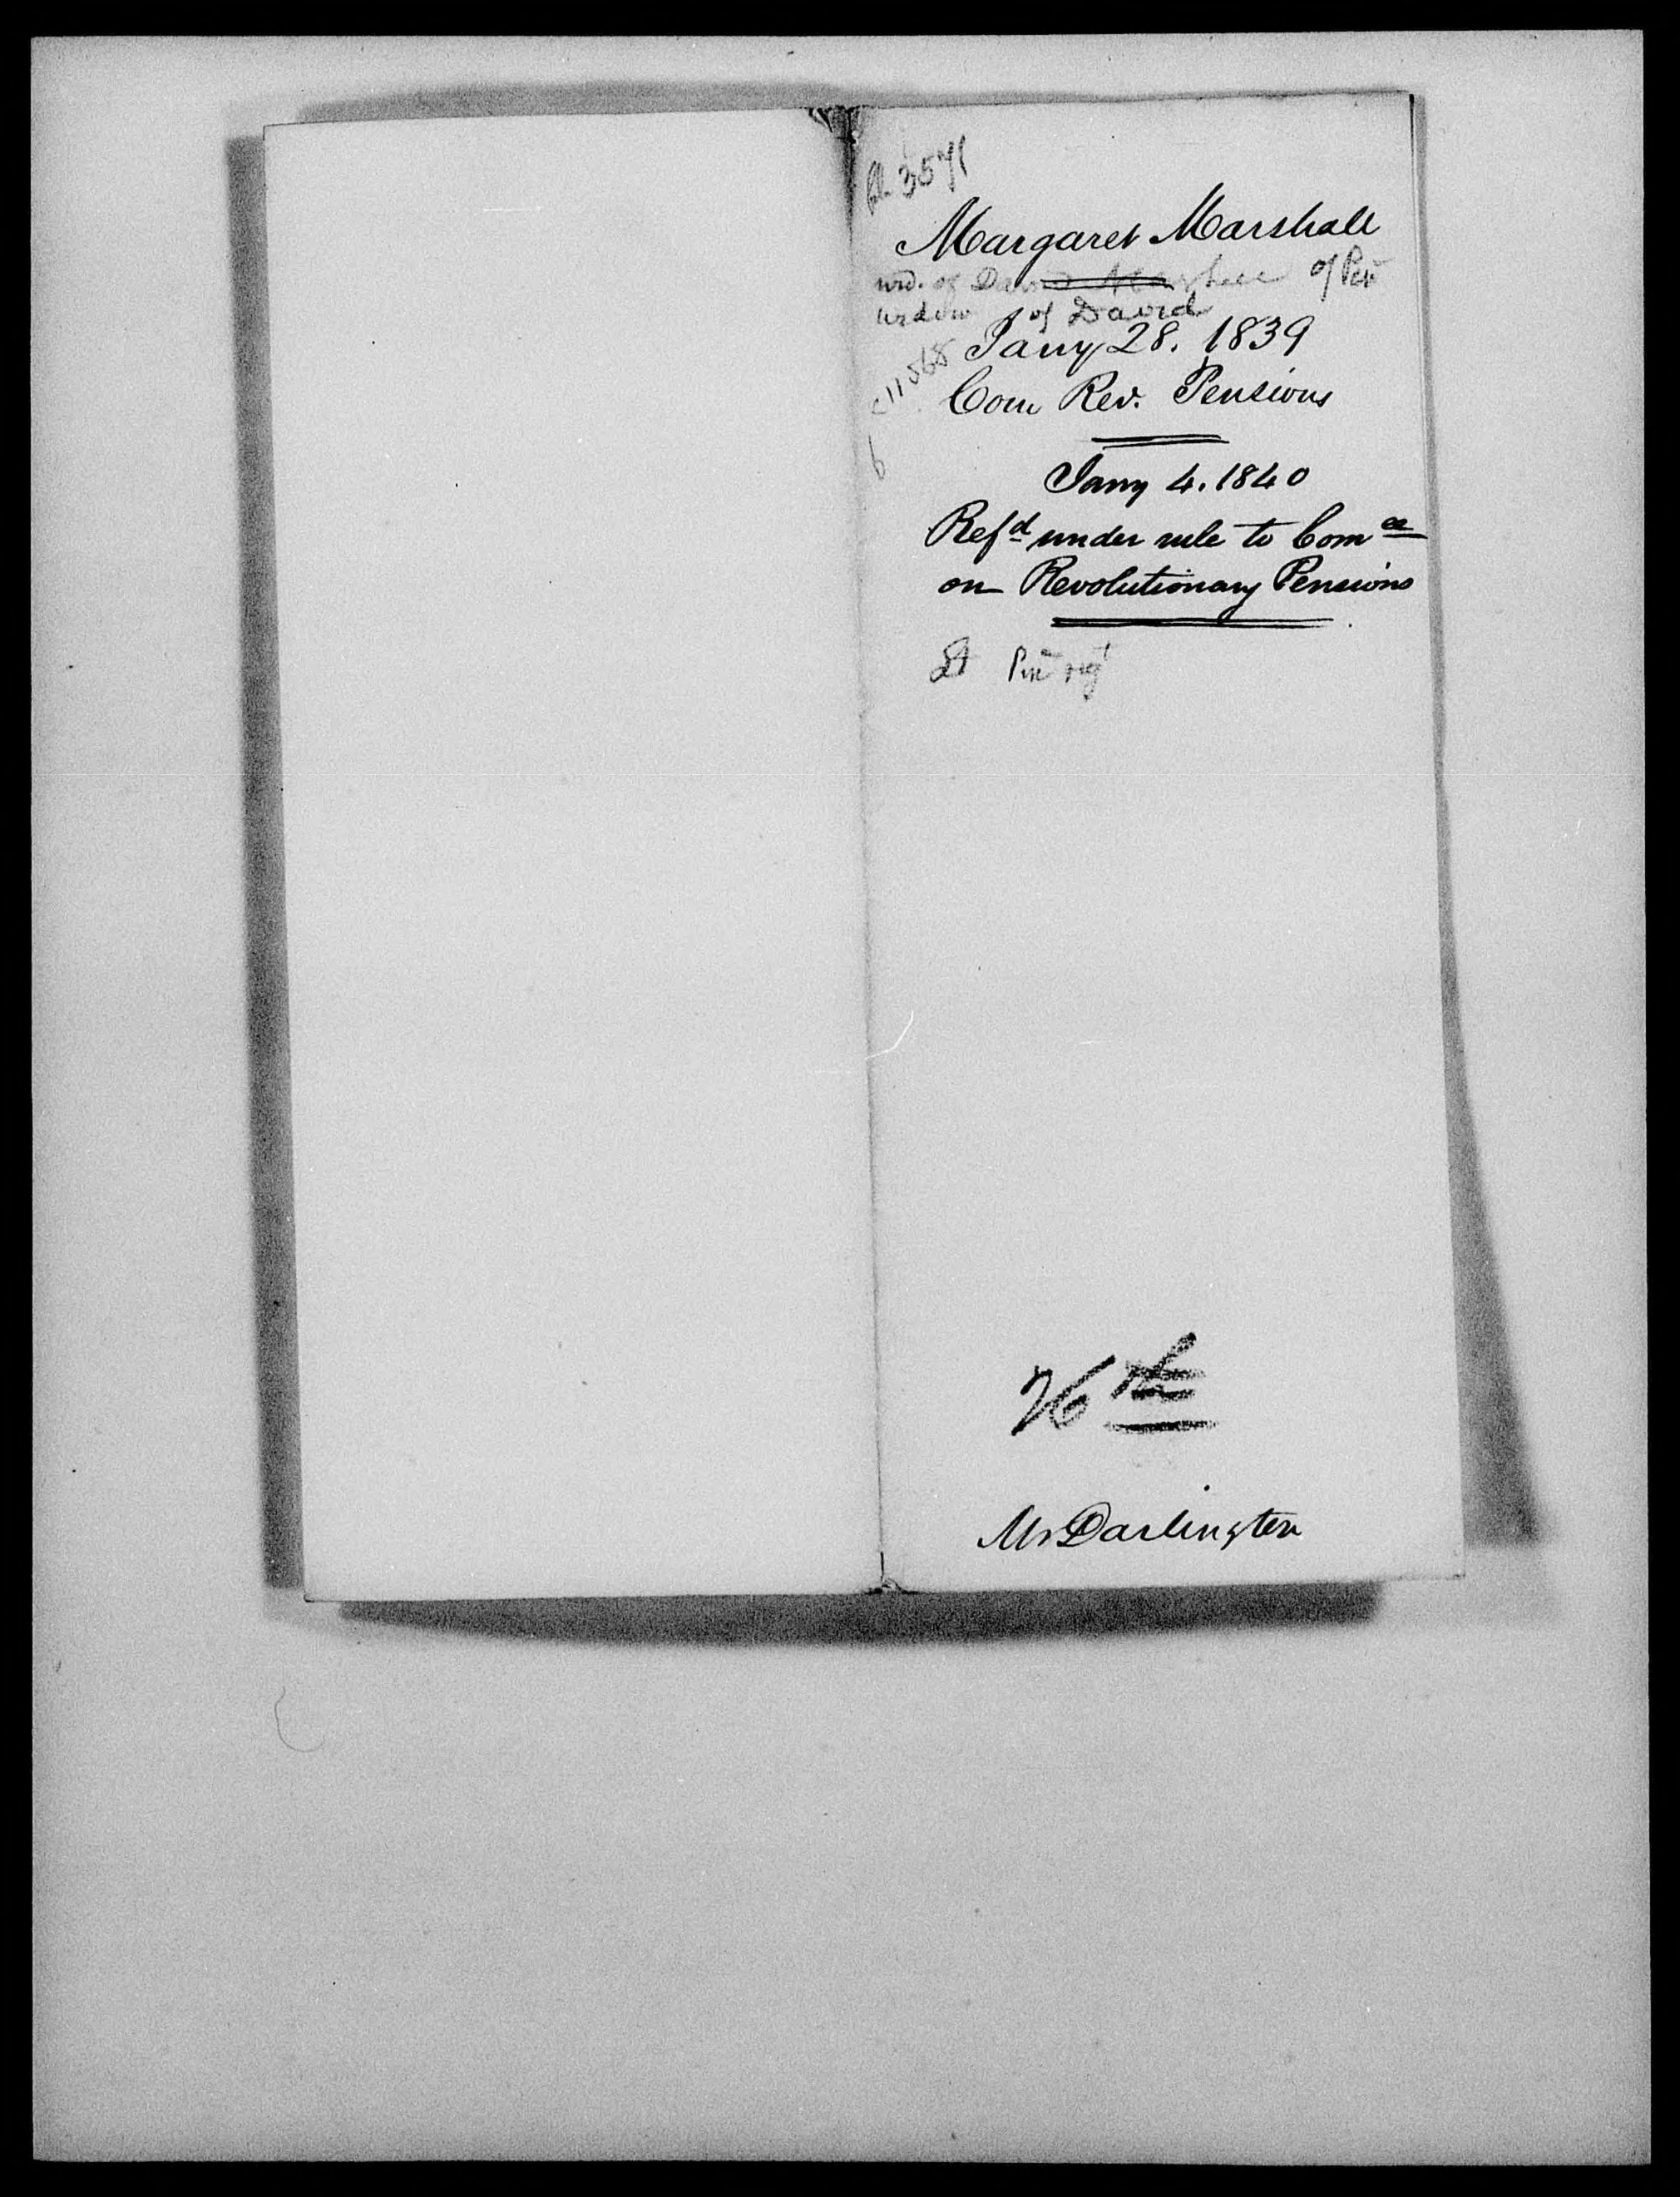?? 3571

Margaret Marshall
wid. of David of Pen
C11568
Jany 28. 1839
??? Rev. Pensions

_________

Jany 4, 1840

Refd under rule to ???
on Revolutionary Pensions

?????

26th
M Darlington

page: 49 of 86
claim: widow's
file: W. 3571, for David Marshall, Pennsylvania